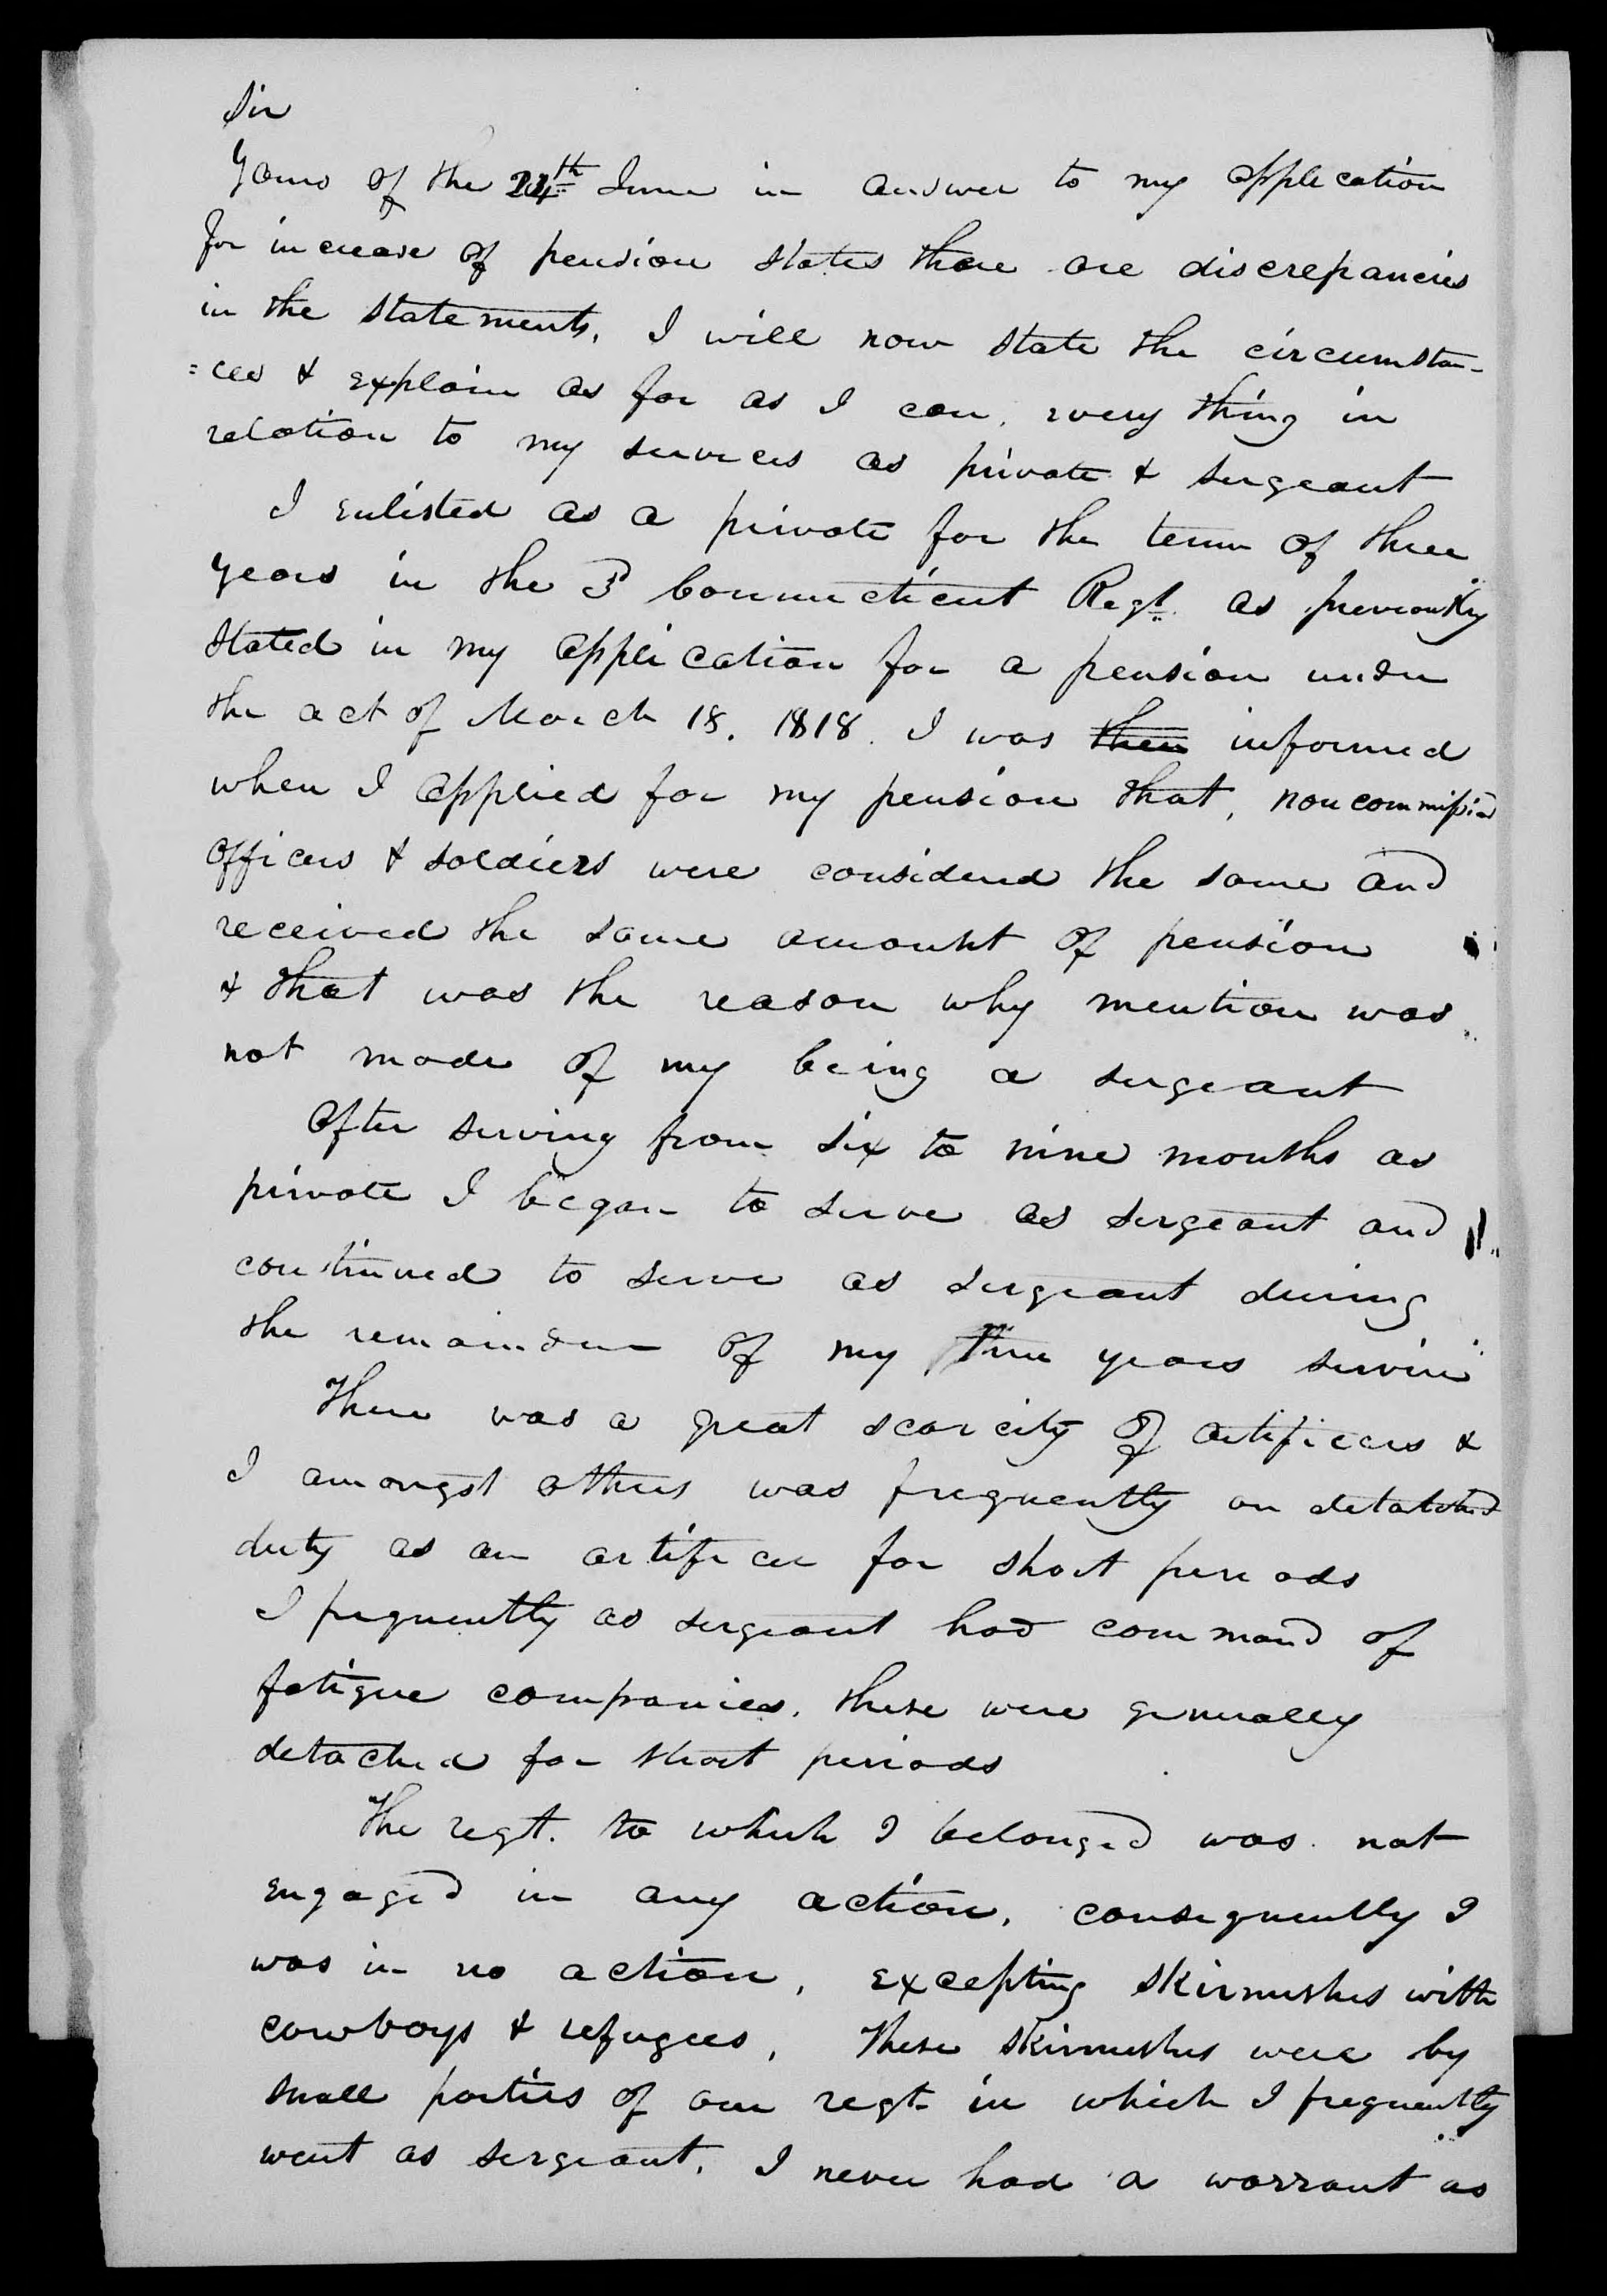Sir 

Yours of the 24th June in answer to my application for increase of pension states there are discrepancies in the statements. I will now state the circumstances & explain as for as I can, every thing in relation to my services as private & Sergeant 

I enlisted as a private for the term of three years in the 3d Connecticut Regt. as previously stated in my application for a pension under the act of March 18. 1818. I was [crossed out then]  informed when I applied for my pension that non commissioned officers & soldiers were considered the same and received the same amount of pension & that was the reason why mention was not made of my being a Sergeant 

After serving from six to nine months as private I began to serve as Sergeant and continued to serve as Sergeant during the remainder of my three years service 

There was a great scarcity of artificers & I amongst others was frequently on detached  duty as an artificer for short periods 

I frequently as Sergeant had command of fatigue companies. These were generally detached for that short periods 

The regt. to which I belonged was not engaged in any action, consequently I was in no action excepting skirmishes with cowboys & refugees. These skirmishes were by small parties of our rent. in which I frequently went as Sergeant. I never had a warrant as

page: 8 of 39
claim: survivor's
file: S. 23802, for James Miner, Connecticut